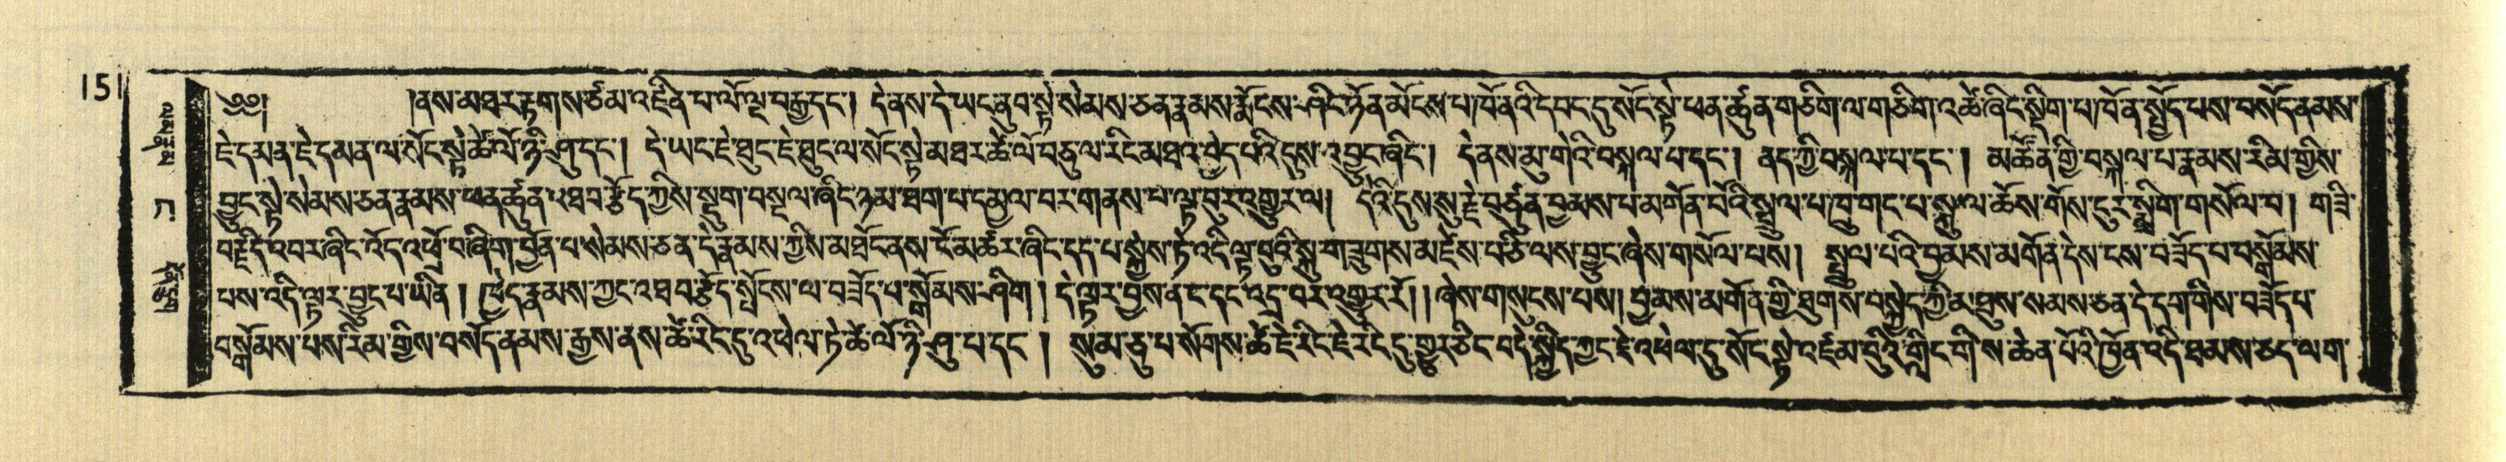༄༅། །ནས་མཐར་རྟགས་ཙམ་འཛིན་པ་ལོ་ལྔ་བརྒྱ་དང་། དེ་ནས་དེ་ཡང་ནུབ་སྟེ་སེམས་ཅན་རྣམས་རྨོངས་ཤིང་ཉོན་མོངས་པ་ཁོ་ནའི་དབང་དུ་སོང་སྟེ་ཕན་ཚུན་གཅིག་ལ་གཅིག་འཚེ་ཞིང་སྡིག་པ་ཁོ་ན་སྤྱོད་པས་བསོད་ནམས་
ཇེ་དམན་ཇེ་དམན་ལ་སོང་སྟེ་ཚེ་ལོ་ཉི་ཤུ་དང་། དེ་ཡང་ཇེ་ཐུང་ཇེ་ཐུང་ལ་སོང་སྟེ་མཐར་ཚེ་ལོ་བཅུ་ལ་རིང་མཐའ་བྱེད་པའི་དུས་འབྱུང་ཞིང་། དེ་ནས་མུ་གེའི་བསྐལ་པ་དང་། ནད་ཀྱི་བསྐལ་པ་དང་། མཚོན་གྱི་བསྐལ་པ་རྣམས་རིམ་གྱིས་
བྱུང་སྟེ་སེམས་ཅན་རྣམས་ཕན་ཚུན་འཐབ་རྩོད་ཀྱིས་སྡུག་བསྔལ་ཞིང་ཉམ་ཐག་པ་དམྱལ་བར་གནས་པ་ལྟ་བུར་འགྱུར་ལ། དེའི་དུས་སུ་རྗེ་བཙུན་བྱམས་པ་མགོན་པོའི་སྤྲུལ་པ་ཁྲུ་གང་པ་སྐུ་ལ་ཆོས་གོས་ངུར་སྨྲིག་གསོལ་བ། གཟི་
བརྗིད་འབར་ཞིང་འོད་འཕྲོ་བ་ཞིག་བྱོན་པ་སེམས་ཅན་དེ་རྣམས་ཀྱིས་མཐོང་ནས་ངོ་མཚར་ཞིང་དད་པ་སྐྱེས་ཏེ་འདི་ལྟ་བུའི་སྐུ་གཟུགས་མཛེས་པ་ཅི་ལས་བྱུང་ཞེས་གསོལ་པས། སྤྲུལ་པའི་བྱམས་མགོན་དེས་ངས་བཟོད་པ་བསྒོམས་
པས་འདི་ལྟར་བྱུང་པ་ཡིན། ཁྱེད་རྣམས་ཀྱང་འཐབ་རྩོད་སྤོངས་ལ་བཟོད་པ་སྒོམས་ཤིང་། དེ་ལྟར་བྱས་ནང་དང་འདྲ་བར་འགྱུར་རོ། །ཞེས་གསུང་པས། བྱམས་མགོན་གྱི་ཐུགས་བསྐྱེད་ཀྱི་མཐུས་སེམས་ཅན་དེ་དག་གིས་བཟོད་པ་
བསྒོམས་པས་རིམ་གྱིས་བསོད་ནམས་རྒྱས་ནས་ཚེ་རིང་དུ་འཕེལ་ཏེ་ཚེ་ལོ་ཉི་ཤུ་པ་དང་། སུམ་ཅུ་པ་སོགས་ཚེ་ཇེ་རིང་ཇེ་རིང་དུ་གྱུར་ཅིང་བདེ་སྐྱིད་ཀྱང་ཇེ་འཕེལ་དུ་སོང་སྟེ་འཛམ་བུའི་གླིང་གི་ས་ཆེན་པོའི་ཁྱོན་འདི་ཐམས་ཅད་ལག་